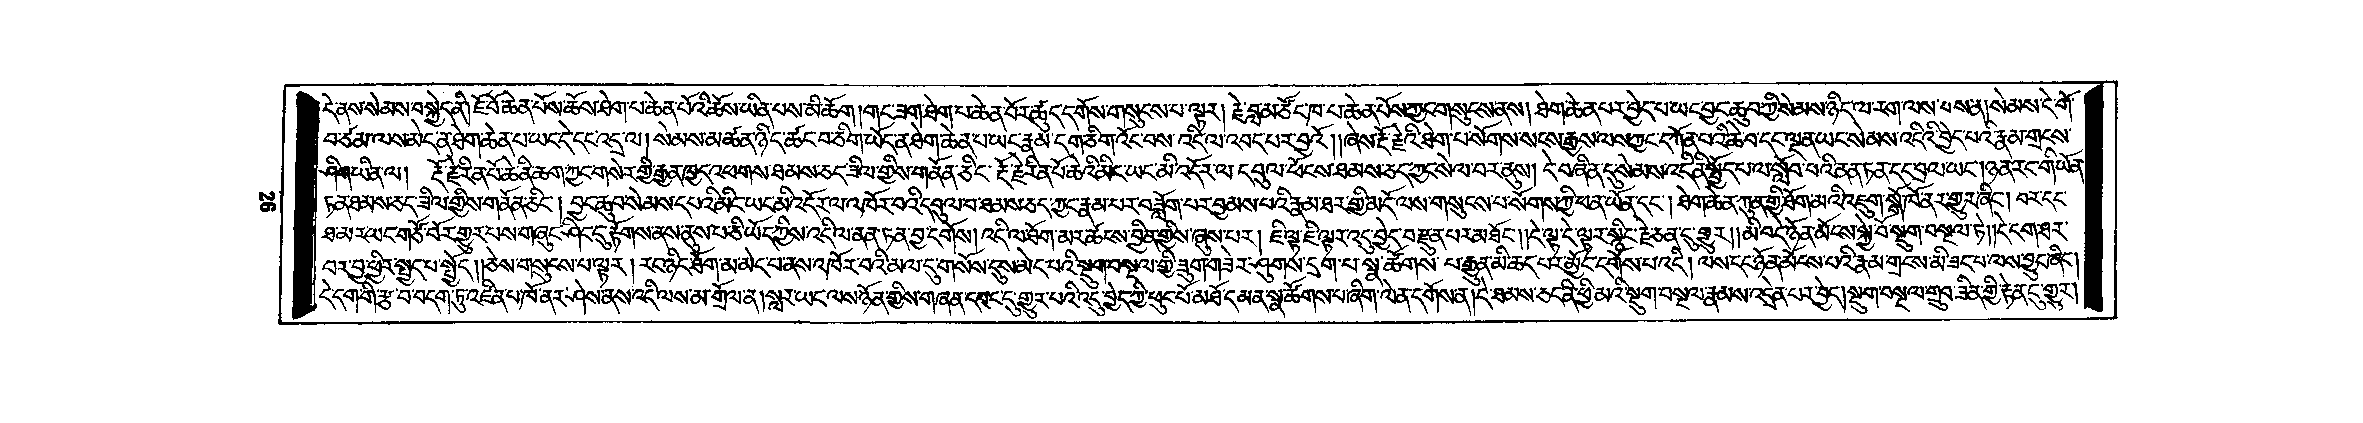དེ་ནས་སེམས་བསྐྱེད་ནི། ཇོ་བོ་ཆེན་པོས་ཆོས་ཐེག་པ་ཆེན་པོའི་ཆོས་ཡིན་པས་མི་ཆོག །གང་ཟག་ཐེག་པ་ཆེན་པོར་ཚུད་དགོས་གསུངས་པ་ལྟར། རྗེ་བླ་མ་ཙོང་ཁ་པ་ཆེན་པོས་ཀྱང་གསུངས་ནས། ཐེག་ཆེན་པར་བྱེད་པ་ཡང་བྱང་ཆུབ་ཀྱི་སེམས་ཉིད་ལ་རག་ལས་པས་ན། སེམས་དེ་གོ་
བ་ཙམ་ལས་མེད་ན་ཐེག་ཆེན་པ་ཡང་དེ་དང་འདྲ་ལ། སེམས་མཚན་ཉིད་ཚང་བ་ཅིག་ཡོད་ན་ཐེག་ཆེན་པ་ཡང་རྣམ་དག་ཅིག་འོང་བས་འདི་ལ་འབད་པར་བྱའོ། །ཞེས་རྡོ་རྗེའི་ཐེག་པ་སོགས་སངས་རྒྱས་ལས་ཀྱང་དཀོན་པའི་ཆེ་བ་དང་ལྡན་ཡང་སེམས་འདིའི་བྱེད་པའི་རྣམ་གྲངས་
ཤིག་ཡིན་ལ། རྡོ་རྗེ་རིན་པོ་ཆེ་ནི་ཆག་ཀྱང་གསེར་གྱི་རྒྱན་ཁྱད་འཕགས་ཐམས་ཅད་ཟིལ་གྱིས་གནོན་ཅིང་རྡོ་རྗེ་རིན་པོ་ཆེའི་མིང་ཡང་མི་འདོར་ལ་དབུལ་ཕོངས་ཐམས་ཅད་ཀྱང་སེལ་བར་ནུས། དེ་བཞིན་དུ་སེམས་འདི་ནི་སྤྱོད་པ་ལ་སློབ་པའི་ནན་ཏན་དང་བྲལ་ཡང་། ཉན་རང་གི་ཡོན་
ཏན་ཐམས་ཅད་ཟིལ་གྱིས་གནོན་ཅིང་། བྱང་ཆུབ་སེམས་དཔའི་མིང་ཡང་མི་འདོར་ལ་འཁོར་བའི་དབུལ་བ་ཐམས་ཅད་ཀྱང་རྣམ་པར་བཟློག་པར་བྱམས་པའི་རྣམ་ཐར་གྱི་མདོ་ལས་གསུངས་པ་སོགས་ཀྱི་ཕན་ཡོན་དང་། ཐེག་ཆེན་ཀུན་གྱི་ཐོག་མའི་འཇུག་སྒོ་ཁོ་ནར་གྱུར་ཞིང་། བར་དང་
ཐ་མར་ཡང་གཙོ་བོར་གྱུར་པས་གཞུང་ཤིང་དུ་རྟོགས་ནས་ནུས་པ་ཅི་ཡོད་ཀྱིས་འདི་ལ་ནན་ཏན་བྱ་དགོས། འདི་ལ་ཐོག་མར་ཚངས་བྱིན་གྱིས་ཞུས་པར། ཇི་ལྟ་ཇི་ལྟར་འདུ་བྱེད་བརྫུན་པ་མཐོང་། །དེ་ལྟ་དེ་ལྟར་སྙིང་རྗེ་ཅན་དུ་གྱུར། །མི་བདེ་ཉོན་མོངས་སྐྱེ་བོ་སྡུག་བསྔལ་ཏེ། །དེ་ངག་ཐར་
བར་བྱ་ཕྱིར་སྤྱད་པ་སྤྱོད། །ཅེས་གསུངས་པ་ལྟར། རང་ཉིད་ཐོག་མ་མེད་པ་ནས་འཁོར་བའི་མལ་དུ་གསོས་དུས་མེད་པའི་སྡུག་བསྔལ་གྱི་ཟུག་གཟེར་ཤུགས་དྲག་པ་སྣ་ཚོགས་པ་རྒྱུན་མི་ཆད་པར་མྱོང་དགོས་པ་འདི། ལས་དང་ཉོན་མོངས་པའི་རྣམ་གྲངས་མི་ཟད་པ་ལས་བྱུང་ཞིང་།
དེ་དག་གི་རྩ་བ་བདག་ཏུ་འཛིན་པ་ཁོ་ནར་ཤེས་ནས་འདི་ལས་མ་གྲོལ་ན། སླར་ཡང་ལས་ཉོན་གྱིས་གཞན་དབང་དུ་གྱུར་པའི་འདུ་བྱེད་ཀྱི་ཕུང་པོ་མཐོ་དམན་སྣ་ཚོགས་པ་ཞིག་ལེན་དགོས་ན། དེ་ཐམས་ཅད་ནི་ཕྱི་མའི་སྡུག་བསྔལ་རྣམས་འདྲེན་པར་བྱེད། སྡུག་བསྔལ་གྲུབ་ཟིན་གྱི་རྟེན་དུ་གྱུར།